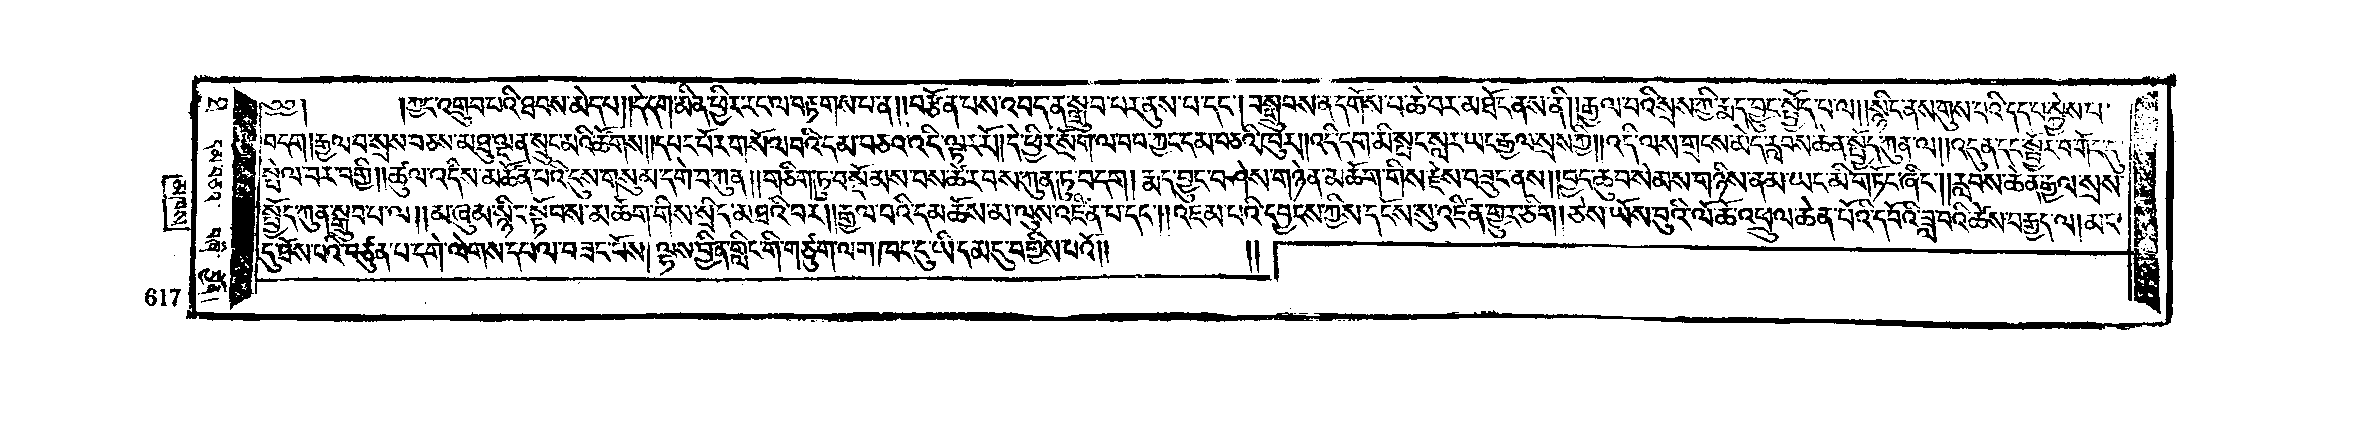༄༅། །ཀྱང་འགྲུབ་པའི་ཐབས་མེད་པ། །དེ་དག་མིན་ཕྱིར་རང་ལ་བརྟགས་པ་ན། །བརྩོན་པས་འབད་ན་སྒྲུབ་པར་ནུས་པ་དང་། བསྒྲུབས་ན་དགོས་པ་ཆེ་བར་མཐོང་ནས་ནི། །རྒྱལ་བའི་སྲས་ཀྱི་རྨད་བྱུང་སྤྱོད་པ་ལ། །སྙིང་ནས་གུས་པའི་དད་པ་སྐྱེས་པ་
བདག །རྒྱལ་བ་སྲས་བཅས་མཐུ་ལྡན་སྲུང་མའི་ཚོགས། །དབང་པོར་གསོལ་བའི་དམ་བཅའ་འདི་ལྟར་རོ། །དེ་ཕྱིར་སྲོག་ལ་བབ་ཀྱང་དམ་བཅའི་ཁུར། །འདི་དག་མི་སྤང་སླར་ཡང་རྒྱལ་སྲས་ཀྱི། །འདི་ལས་གྲངས་མེད་རླབས་ཆེན་སྤྱོད་ཀུན་ལ། །འདུན་དང་སྦྱོར་བ་གོང་དུ་
སྤེལ་བར་བགྱི། །ཚུལ་འདིས་མཚོན་པའི་དུས་གསུམ་དགེ་བ་ཀུན། །གཅིག་ཏུ་བསྡོམས་པས་ཚེ་རབས་ཀུན་ཏུ་བདག །རྨད་བྱུང་བཤེས་གཉེན་མཆོག་གིས་རྗེས་བཟུང་ནས། །བྱང་ཆུབ་སེམས་གཉིས་ནམ་ཡང་མི་གཏོང་ཞིང་། །རླབས་ཆེན་རྒྱལ་སྲས་
སྤྱོད་ཀུན་སྒྲུབ་པ་ལ། །མ་ཞུམ་སྙིང་སྟོབས་མཆོག་གིས་སྲིད་མཐའི་བར། །རྒྱལ་བའི་དམ་ཆོས་མ་ལུས་འཛིན་པ་དང་། །འཇམ་པའི་དབྱངས་ཀྱིས་དངོས་སུ་འཛིན་གྱུར་ཅིག །ཅེས་ཡོས་བུའི་ལོ་ཆོ་འཕྲུལ་ཆེན་པོའི་དབོའི་ཟླ་བའི་ཚེས་བརྒྱད་ལ། མང་
དུ་ཐོས་པའི་བཙུན་པ་དགེ་ལེགས་དཔལ་བཟང་པོས། ལྷས་བྱིན་གླིང་གི་གཙུག་ལག་ཁང་དུ་ཡི་དམ་དུ་བགྱིས་པའོ།། །།